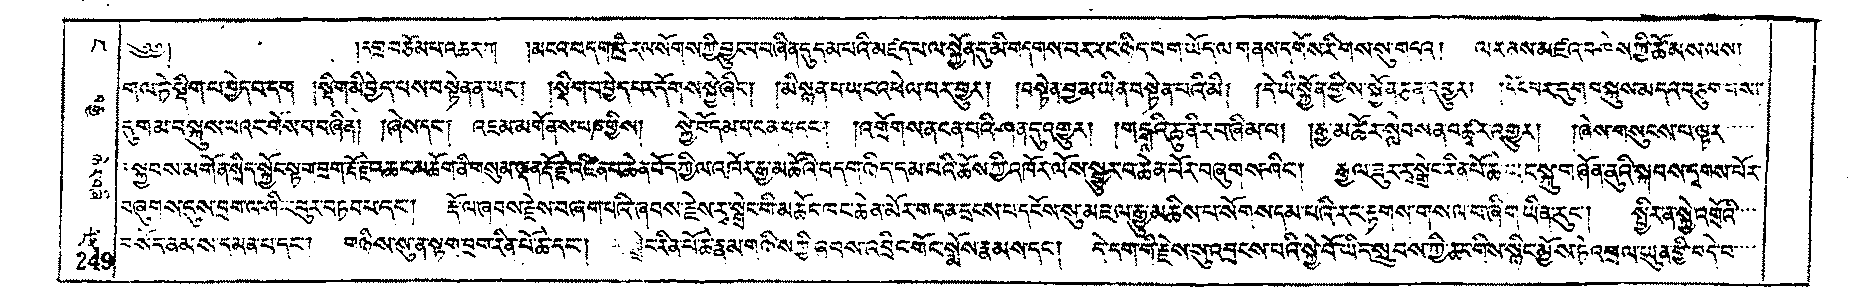༄༅། །དགྲ་བཅོམ་པ་འཆར་ཀ །མངའ་བདག་ཁྲི་རལ་སོགས་ཀྱི་བྱུང་བ་བཞིན་དུ་དམ་པའི་མཛད་པ་ལ་སྐྱོན་དུ་མི་གདགས་པར་རང་ཉིད་བག་ཡོད་ལ་གནས་དགོས་རིགས་སུ་གདའ། ལར་ནས་མཛའ་བཤེས་ཀྱི་ཚོམས་ལས།
གལ་ཏེ་སྡིག་པ་བྱེད་པ་དག །སྡིག་མི་བྱེད་པས་བསྟེན་ན་ཡང་། །སྡིག་པ་བྱེད་པར་དོགས་སྐྱེ་ཞིང་། །མི་སྙན་པ་ཡང་འཕེལ་བར་གྱུར། །བསྟེན་བྱ་མ་ཡིན་བསྟེན་པའི་མི། །དེ་ཡི་སྐྱོན་གྱིས་སྐྱོན་ཅན་འགྱུར། །དོང་པར་དུག་བསྐུས་མདའ་བཅུག་པས།
དུག་མ་བསྐུས་པའང་གོས་པ་བཞིན། །ཞེས་དང་། འཇམ་མགོན་ས་པཎ་གྱིས། སྐྱེ་བོ་དམ་པ་ངན་པ་དང་། །འགྲོགས་ན་ངན་པའི་ཤན་དུ་འགྱུར། །གངྒཱའི་ཆུ་ནི་རབ་ཞིམ་པ། །རྒྱ་མཚོར་སླེབས་ན་བ་ཚྭར་འགྱུར། །ཞེས་གསུངས་པ་ལྟར་
༧སྐྱབས་མགོན་སྲིད་སྐྱོང་སྟག་བྲག་རྡོ་རྗེ་འཆང་མཆོག་ནི་གསུམ་ལྡན་རྡོ་རྗེ་འཛིན་པ་ཆེན་པོ་དཀྱིལ་འཁོར་རྒྱ་མཚོའི་བདག་ཉིད་དམ་པའི་ཆོས་ཀྱི་འཁོར་ལོས་སྒྱུར་བ་ཆེན་པོར་བཞུགས་ཤིང་། རྒྱལ་ཟུར་རྭ་སྒྲེང་རིན་པོ་ཆེ་ཡང་སྐུ་གཞོན་ནུའི་སྐབས་དྭགས་པོར་
བཞུགས་དུས་བྲག་ལ་ཤིང་ཕུར་བཏབ་པ་དང་། རྡོ་ལ་ཞབས་རྗེས་བཞག་པའི་ཞབས་རྗེས་རྭ་སྒྲེང་གི་མཆོད་ཁང་ཆེན་མོར་གདན་དྲངས་པ་དངོས་སུ་མཇལ་རྒྱུ་མཆིས་པ་སོགས་དམ་པའི་རང་རྟགས་གསལ་བ་ཞིག་ཡིན་རུང་། སྤྱིར་ན་སྐྱེ་འགྲོའི་
བསོད་ནམས་དམན་པ་དང་། གཉིས་སུ་ན་སྟག་བྲག་རིན་པོ་ཆེ་དང་། རྭ་སྒྲེང་རིན་པོ་ཆེ་རྣམ་གཉིས་ཀྱི་ཞབས་འབྲིང་གོང་སྨོས་རྣམས་དང་། དེ་དག་གི་རྗེས་སུ་འབྲངས་པའི་སྐྱེ་བོ་ཡིད་སྲུབས་ཀྱི་ཆང་གིས་སྙིང་མྱོས་ཏེ་འཕྲལ་ཡུན་གྱི་བདེ་བ་